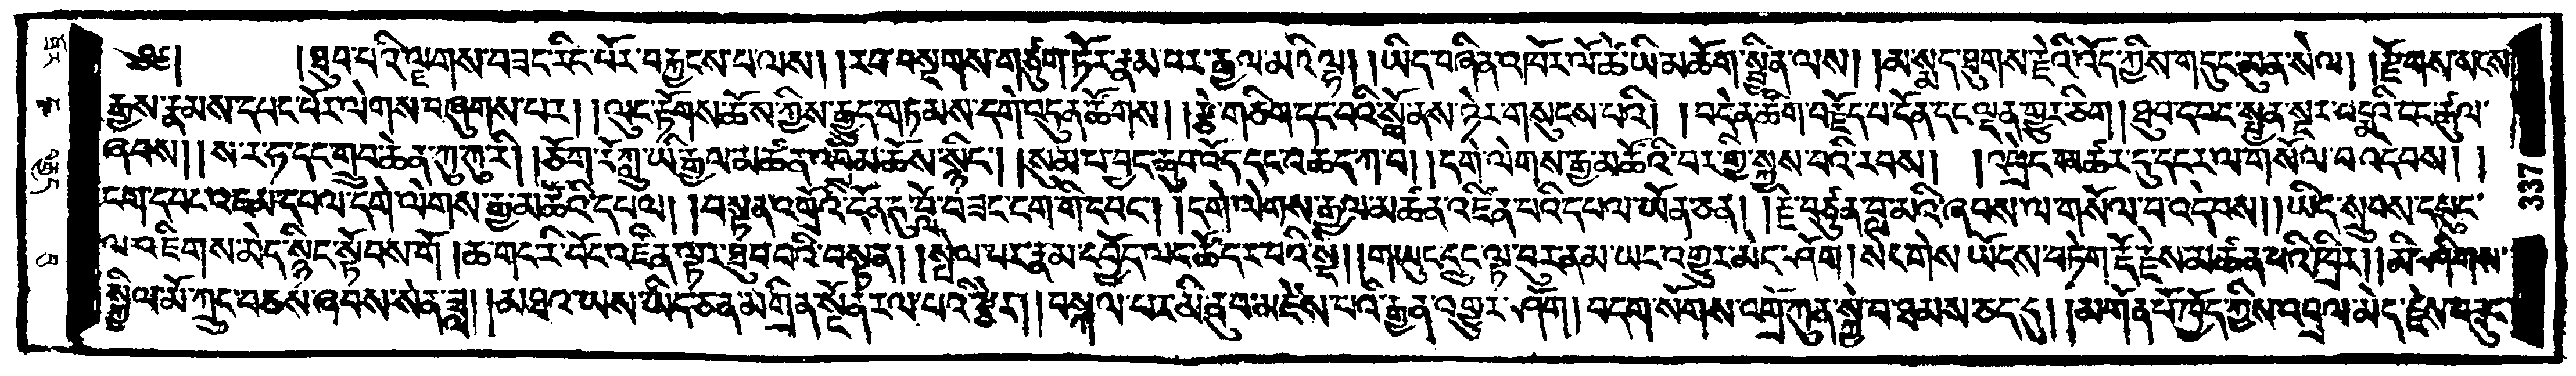༄༅། །ཐུབ་པའི་ལྗགས་བཟང་རིང་པོར་བརྐྱངས་པ་ལས། །རབ་བསྔགས་གཙུག་ཏོར་རྣམ་པར་རྒྱལ་མའི་ལྷ། །ཡིད་བཞིན་འཁོར་ལོ་ཚེ་ཡི་མཆོག་སྦྱིན་ལས། །མ་སྨད་ཐུགས་རྗེའི་འོད་ཀྱིས་གདུང་མུན་སེལ། །རྫོགས་སངས་
རྒྱས་རྣམས་དཔང་པོར་ལེགས་བཞུགས་པར། །ལུང་རྟོགས་ཆོས་ཀྱིས་རྒྱུད་གཏམས་དགེ་འདུན་ཚོགས། །རྩེ་གཅིག་དང་བའི་སྒོ་ནས་ཉེར་གསུངས་པའི། །བདེན་ཚིག་བརྗོད་པ་དོན་དང་ལྡན་གྱུར་ཅིག །ཐུབ་དབང་སྤྱན་སྔར་པདམའི་ངང་ཚུལ་
ཞབས། །ས་ར་ཧ་དང་གྲུབ་ཆེན་ཀུ་ཀུ་རི། །ཅོག་རོ་ཀླུ་ཡི་རྒྱལ་མཚན་འབྲོམ་ཆོས་སྙིང་། །སུམ་པ་བྱང་ཆུབ་འོད་དང་འཆད་ཀ་བ། །དགེ་ལེགས་རྒྱ་མཚོའི་བར་གྱི་སྐྱས་པའི་རབས། །འཕྲེང་བ་མཚར་དུ་དངར་ལ་གསོལ་བ་འདེབས། །
ངག་དབང་འཇམ་དཔལ་དགེ་ལེགས་རྒྱ་མཚོའི་དཔལ། །བསྟན་འགྲོའི་དོན་དུ་བློ་བཟང་ངག་གི་དབང་། །དགེ་ལེགས་རྒྱལ་མཚན་འཛིན་པའི་དཔལ་ཡོན་ཅན། །རྗེ་བཙུན་བླ་མའི་ཞབས་ལ་གསོལ་བ་འདེབས། །ཡིད་སྲུབས་དཔུང་
ལ་འཇིགས་མེད་སྙིང་སྟོབས་གོ །ཆ་གང་རི་བོང་འཛིན་ལྟར་ཐུབ་བའི་བསྟན། །སྤེལ་པར་རྣམ་དཔྱོད་ལང་ཚོ་དར་བའི་སྡེ། །གཡུང་དྲུང་ལྟ་བུར་ནམ་ཡང་འགྱུར་མེད་ཤོག །སེང་གེས་ཡོངས་བཏེག་རྡོ་རྗེས་མཚན་པའི་ཁྲིར། །མི་ཤིགས་
སྐྱིལ་མོ་ཀྲུང་བཅས་ཞབས་སེན་ཟླ། །མཐའ་ཡས་ཡིད་ཅན་མགྲིན་སྔོན་རལ་པའི་རྩེར། །བསྐལ་པར་མི་ནུབ་མཛེས་པའི་རྒྱན་འགྱུར་ཤོག །བདག་སོགས་འགྲོ་ཀུན་སྐྱེ་བ་ཐམས་ཅད་དུ། །མགོན་པོ་ཁྱོད་ཀྱིས་འབྲལ་མེད་རྗེས་བཟུང་